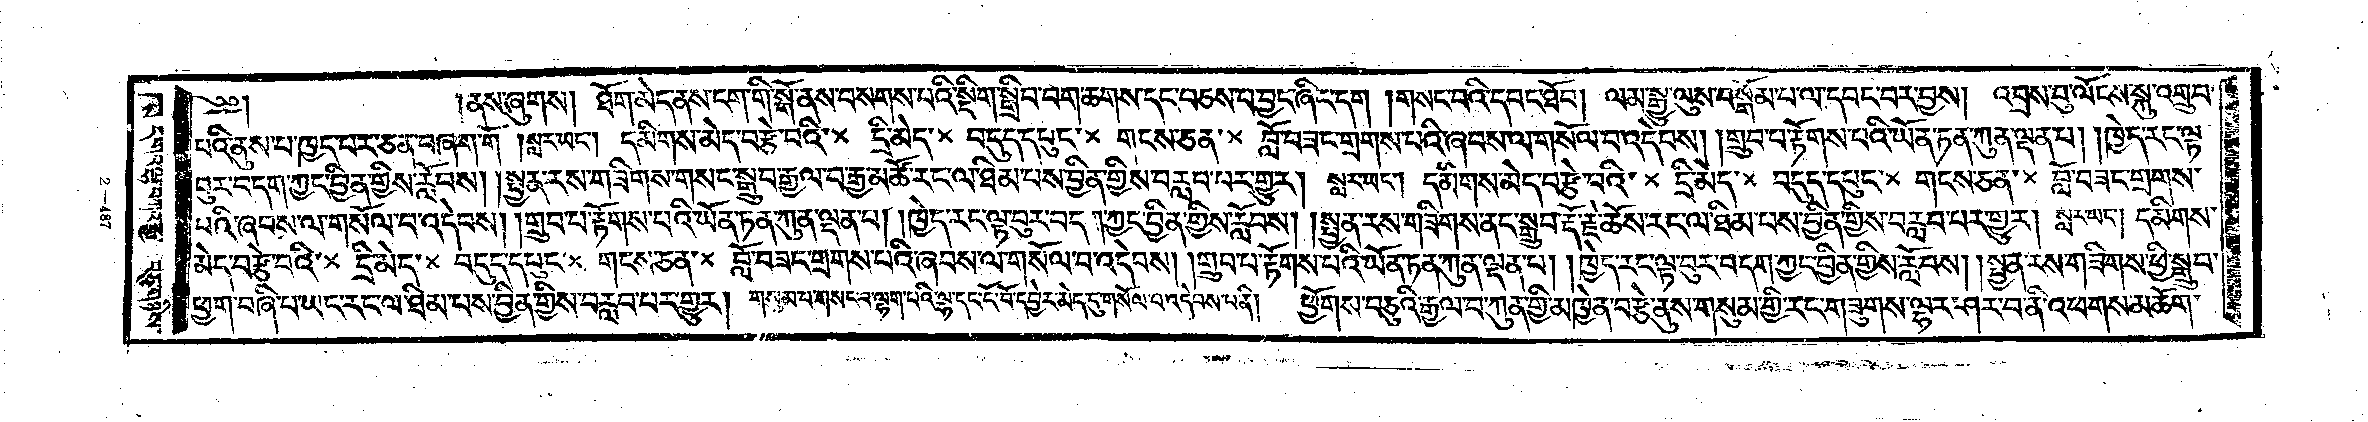༄༅། །ནས་ཞུགས། ཐོག་མེད་ནས་དག་གི་སྒོ་ནས་བསགས་པའི་སྡིག་སྒྲིབ་བག་ཆགས་དང་བཅས་བ་བྱང་ཞིང་དག །གསང་བའི་དབང་ཐོབ། ལམ་སྒྱུ་ལུས་བསྒོམ་པ་ལ་དབང་བར་བྱས། འབྲས་བུ་ལོངས་སྐུ་འགྲུབ་
པའི་ནུས་པ་ཁྱད་པར་ཅན་བཞག་གོ །སླར་ཡང་། དམིགས་མེད་བརྩེ་བའི་྾་དྲི་མེད་྾་བདུད་དཔུང་྾་གངས་ཅན་྾་བློ་བཟང་གྲགས་པའི་ཞབས་ལ་གསོལ་བ་འདེབས། །གྲུབ་བ་རྟོགས་པའི་ཡོན་ཏན་ཀུན་ལྡན་པ། །ཁྱེར་རང་ལྟ་
བུར་བདག་ཀྱང་བྱིན་གྱིས་རློབས། །སྤྱན་རས་གཟིགས་གསང་སྒྲུབ་རྒྱལ་བ་རྒྱ་མཚོ་རང་ལ་ཐིམ་པས་བྱིན་གྱིས་བརླབ་པར་གྱུར། སླར་ཡང་། དམིགས་མེད་བརྩེ་བའི་྾་དྲི་མེད་྾་བདུད་དཔུང་྾་གངས་ཅན་྾་བློ་བཟང་གྲགས་
པའི་ཞབས་ལ་གསོལ་བ་འདེབས། །གྲུབ་པ་རྟོགས་པའི་ཡོན་ཏན་ཀུན་ལྡན་པ། །ཁྱེད་རང་ལྟ་བུར་བདག་ཀྱང་བྱིན་གྱིས་རློབས། །སྤྱན་རས་གཟིགས་ནང་སྒྲུབ་རྡོ་རྗེ་ཆོས་རང་ལ་ཐིམ་པས་བྱིན་གྱིས་བརླབ་པར་གྱུར། སླར་ཡང་དམིགས་
མེད་པ་རྩེ་བའི་྾་དྲི་མེད་྾་བདུད་དཔུང་྾་གངས་ཅན་྾་བློ་བཟང་གྲགས་པའི་ཞབས་ལ་གསོལ་བ་འདེབས། །གྲུབ་པ་རྟོགས་པའི་ཡོན་ཏན་ཀུན་ལྡན་པ། །ཁྱེར་རང་ལྟ་བུར་བདག་ཀྱང་བྱིན་གྱིས་རློབས། །སྤྱན་རས་གཟིགས་ཕྱི་སྒྲུབ་
ཕྱག་བཞི་བ་ཡང་རང་ལ་ཐིམ་པས་བྱིན་གྱིས་བརླབ་པར་གྱུར། གསུམ་པ་གསང་བ་ལྷག་པའི་ལྷ་དང་ངོ་བོ་དབྱེར་མེད་དུ་གསོལ་བ་འདེབས་པ་ནི། ཕྱོགས་བཅུའི་རྒྱལ་བ་ཀུན་གྱི་མཁྱེན་བརྩེ་ནུས་གསུམ་གྱི་རང་གཟུགས་ལྷར་ཤར་བ་ནི་འཕགས་མཆོག་